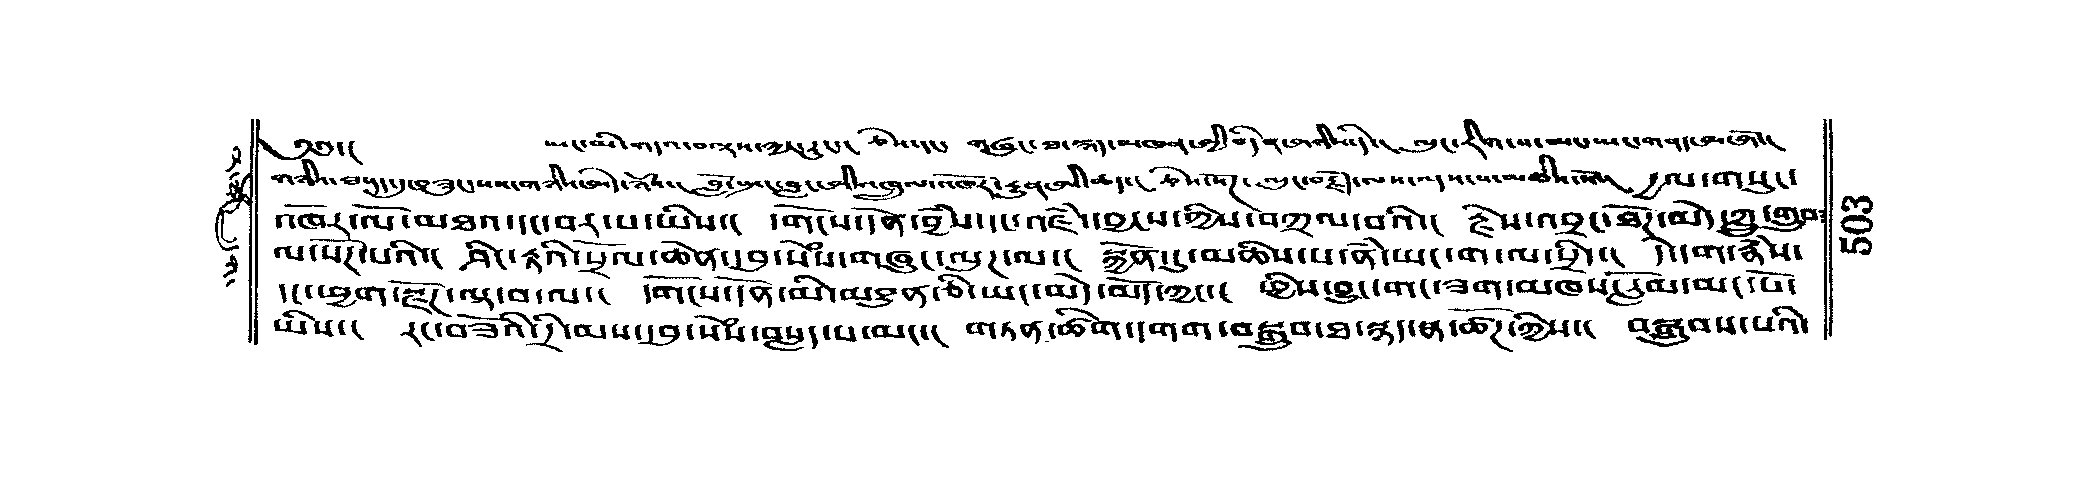ཡང་མི་གདའ་བལྟས་ཀྱང་རུང་། ཅེས་དང་། གཞུང་ཐ་སྙད་མཁན་གྱི་བདེན་གཉིས་དེ། ལུང་རིག་པ་མང་ཡང་གནད་མ་གོ །
གཉིས་ཐ་དད་དུ་བཟུང་པས་གཉིས་མེད་ཉམས། །བློ་སྤང་བླང་གི་འཁྲུལ་འཁོར་རྒྱུན་མི་ཆད། ཅེས་སོགས་ལུང་བརྗོད་ལས་འདས་པ་མཆིས་སོ། རྒྱལ་གསུང་
འཁོར་ལོ་མཐའ་དང་བར་པ་ཡིས། །དགོངས་དོན་བྱམས་དང་འཇམ་དབྱངས་ཀྱིས་བཀྲལ་བའི། །རྗེས་འབྲང་ཐོགས་མེད་ཀླུ་གྲུབ་
ལ་སོགས་པའི། །ཤིང་རྟའི་སྲོལ་ཆེན་དབུ་སེམས་གཞུང་ལུགས་ལ། །སྐྱོན་དུ་མཆིས་པ་ནམ་ཡང་ག་ལ་སྲིད། །དེ་དག་རྣམས་
དང་ཕྱག་རྫོགས་ལྟ་བ་ལ། །དགོངས་དོན་མི་མཐུན་ཅི་ཡང་མེད་མོད་ཀྱང་། །ཕྱིས་བྱུང་གང་ཟག་མཁས་རློམ་མང་པོ་
ཡིས། །རང་བཟོའི་དྲི་མས་དབུ་སེམས་བསླད་པ་མང་། །གཏན་ཚིག་དགག་བསྒྲུབ་ཐ་སྙད་སྣ་ཚོགས་ཀྱིས། །བསྒྲུབས་པའི་